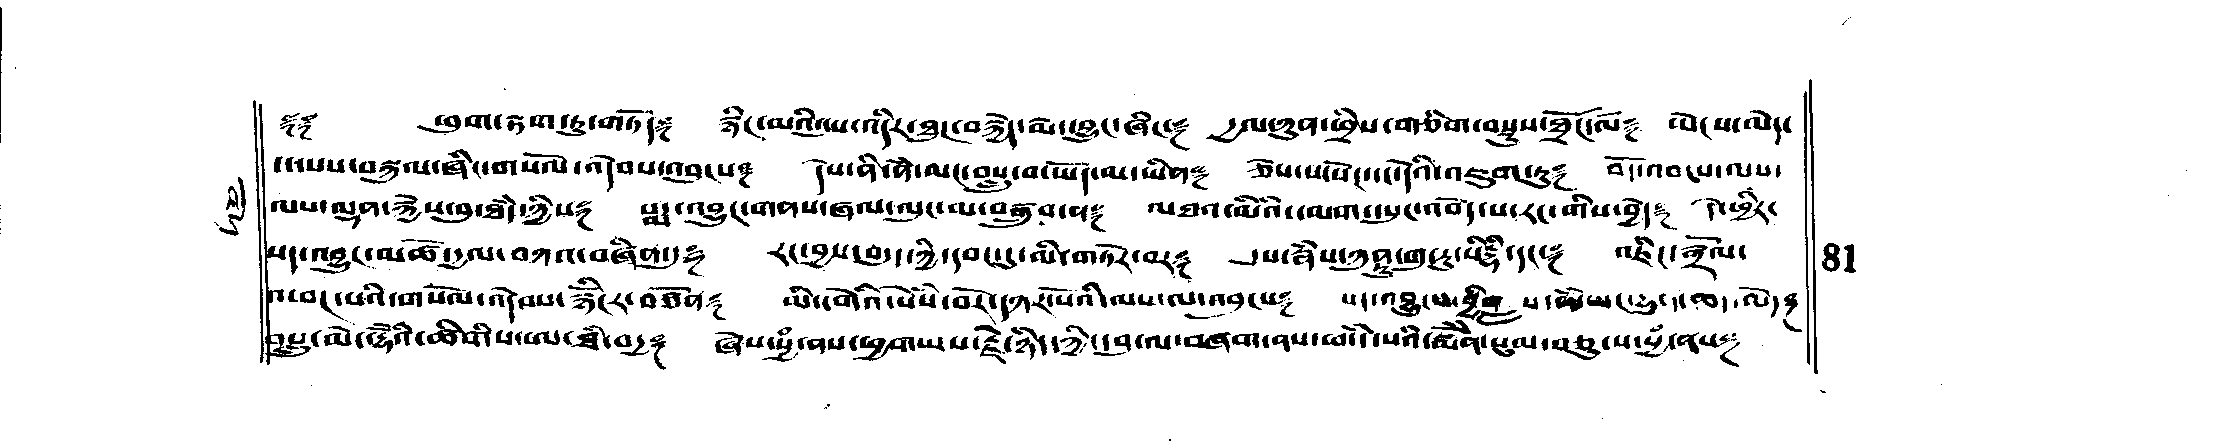ཕུག་རྟག་ཏུ་གཏོད། །སྙིགས་མའི་དུས་འདིར་ཐུགས་བསྐྱེད་སྨད་བྱུང་ཞིང་། །རྒྱལ་ཀུན་ཕྲིན་ལས་གཅིག་འདུས་ཐོད་ཕྲེང་རྩལ། །ཡེངས་མེད་
དད་པས་བསྐུལ་ཞིང་གསོལ་འདེབས་འབུངས། །དེས་ནི་ནམ་ཡང་བསླུ་བ་ཡོད་མ་ཡིན། །ཅེས་པ་སོགས་དང་དེའི་མཇུག་ཏུ། བོད་འབངས་ལས་
ལྡན་སྐྱེས་བུ་ཐམས་ཅད་ཀྱིས། །པདྨ་འབྱུང་གནས་ཞལ་ལུང་མ་བསྒྲུབ་ན། །མཐའ་མིའི་དམག་དཔུང་འབོད་པ་རང་གིས་བྱེད། །དེ་ཕྱིར་
པད་འབྱུང་མཚོ་རྒྱལ་བཀའ་བཞིན་དུ། །རང་བྱས་བདུད་ཀྱི་དབང་དུ་མི་གཏོང་བར། །དུས་རྣམས་ཀུན་ཏུ་གུ་རུ་སིདྡྷི་དང། །འཇིགས་སྒྲོལ་
འཕགས་པའི་གསོལ་འདེབས་སྙིང་པོར་བརྩོན། །མི་དགེའི་སེམས་བོར་དཀར་པོའི་ལས་ལ་འབུངས། །པད་འབྱུང་བྱིན་རླབས་ནམ་ཡང་རྒྱུན་ཆད་མེད། །
བསླུ་མེད་རྡོ་རྗེའི་ཚིག་གིས་ཨ་ཐམ་བརྒྱ། །ཞེས་གསུང་ནས་ཕྱག་གཡས་རྗེ་ཉིད་ཀྱི་དབུ་ལ་བཞག་ནས་ཕ་དམ་པའི་སྨོན་ལམ་སུམ་ཅུ་པ་གསུངས་ནས།